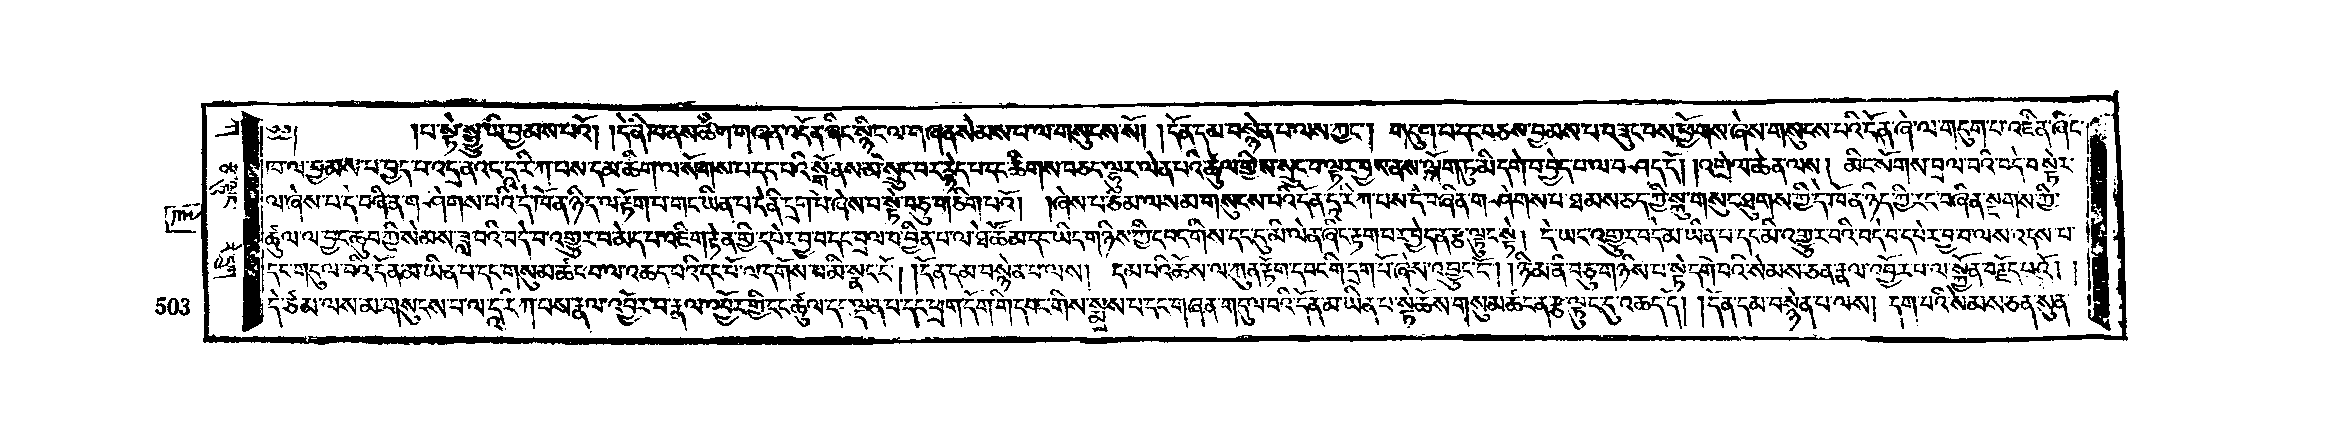༄༅། །པ་སྟེ་སྒྱུ་ཡི་བྱམས་པའོ། །དེ་ནི་ཁ་ནས་ཚིག་གཞན་འདོན་ཞིང་སྙིང་ལ་གཞན་སེམས་པ་ལ་གསུངས་སོ། །དོན་དམ་བསྙེན་པ་ལས་ཀྱང་། གདུག་པ་དང་བཅས་བྱམས་པ་བཟུང་བས་ཕྱོགས་ཞེས་གསུངས་པའི་དོན་ཞེ་ལ་གདུག་པ་འཛིན་ཞིང་
ཁ་ལ་བྱམས་པ་བྱད་པ་འདྲ་ནའང་དཱ་རི་ཀ་པས་དམ་ཚིག་ལ་སོགས་པ་དང་པའི་སྒོ་ནས་མི་སྲུང་བར་རྙེད་པ་དང་ཚིགས་བཅད་ལྷུར་ལེན་པའི་ཚུལ་གྱིས་སྲུང་བ་ལྟར་བྱས་ནས་ལྐོག་ཏུ་མི་དགེ་བ་བྱེད་པ་ལ་བཤད་དོ། །འགྲེལ་ཆེན་ལས། མིང་སོགས་བྲལ་བའི་བདེ་བ་སྟེར་
ལ་ཞེས་པ་དེ་བཞིན་གཤེགས་པའི་དེ་ཁོ་ན་ཉིད་ལ་རྟོག་པ་གང་ཡིན་པ་དེ་ནི་དྲག་པ་ཞེས་པ་སྟེ་བཅུ་གཅིག་པའོ། །ཞེས་པ་ཙམ་ལས་མ་གསུངས་པའི་དོན་དཱ་རི་ཀ་པས་དེ་བཞིན་གཤེགས་པ་ཐམས་ཅད་ཀྱི་སྐུ་གསུང་ཐུགས་ཀྱི་དེ་ཁོ་ན་ཉིད་ཀྱི་རང་བཞིན་སྔགས་ཀྱི་
ཚུལ་ལ་བྱང་ཆུབ་ཀྱི་སེམས་ཟླ་བའི་བདེ་བ་འགྱུར་བ་མེད་པ་འཇིག་རྟེན་གྱི་དཔེར་བྱ་བ་དང་བྲལ་བ་བྱིན་པ་ལ་ཐེ་ཚོམ་དང་ཡིད་གཉིས་ཀྱི་དབང་གིས་དང་དུ་མི་ལེན་ཞིང་རྟག་པར་བྱེད་ན་རྩ་ལྟུང་སྟེ། དེ་ཡང་འགྱུར་བདེ་མ་ཡིན་པ་དང་མི་འགྱུར་བའི་བདེ་བ་དཔེར་བྱ་བ་ལས་འདས་པ་
དང་གདུལ་བའི་དོན་མ་ཡིན་པ་དང་གསུམ་ཚང་བ་ལ་འཆད་པའི་དང་པོ་ལ་དགོས་པ་མི་སྣང་ངོ། །དོན་དམ་བསྙེན་པ་ལས། དམ་པའི་ཆོས་ལ་ཀུན་རྟོག་དབང་གི་དྲག་པོ་ཞེས་འབྱུང་ངོ། །ཉི་མ་ནི་བཅུ་གཉིས་པ་སྟེ་དགེ་བའི་སེམས་ཅན་རྣལ་འབྱོར་པ་ལ་སྐྱོན་བརྗོད་པའོ། །
དེ་ཙམ་ལས་མ་གསུངས་པ་ལ་དཱ་རི་ཀ་པས་རྣལ་འབྱོར་བ་རྣལ་འབྱོར་གྱི་དང་ཚུལ་དང་ལྡན་པ་དང་ཕྲག་དོག་གི་དབང་གིས་སྨྲས་པ་དང་གཞན་གདུལ་བའི་དོན་མ་ཡིན་པ་སྟེ་ཆོས་གསུམ་ཚང་ན་རྩ་ལྟུང་དུ་འཆད་དོ། །དོན་དམ་བསྙེན་པ་ལས། དག་པའི་སེམས་ཅན་སུན་